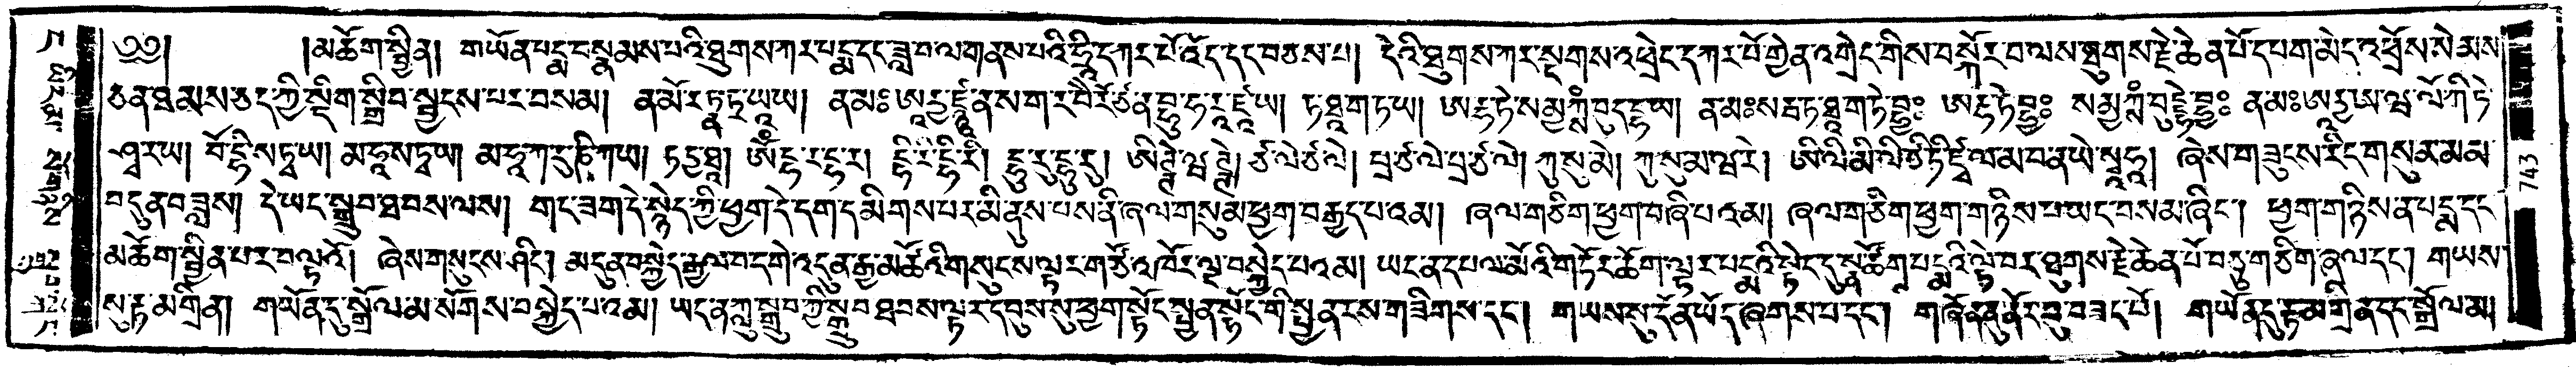༄༅། །མཆོག་སྦྱིན། གཡོན་པདམ་བསྣམས་པའི་ཐུགས་ཀར་པདམ་དང་ཟླ་བ་ལ་གནས་པའི་ཧྲཱི་དཀར་པོ་འོད་དད་བཅས་པ། དེའི་ཐུགས་ཀར་སྔགས་འཕྲེང་དཀར་པོ་གྱེན་འགྲེང་གིས་བསྐོར་བ་ལས་ཐུགས་རྗེ་ཆེན་པོ་དཔག་མེད་འཕྲོས་སེམས་
ཅན་ཐམས་ཅད་ཀྱི་སྡིག་སྒྲིབ་སྦྱངས་པར་བསམ། ན་མོ་ར་ཏྣ་ཏྲ་ཡཱ་ཡ། ན་མཿ ཨཱརྱ་ཛྙཱ་ན་ས་ག་ར་བཻ་རོ་ཙ་ན་བྷུ་ཧ་རཱ་ཛཱ་ཡ། ཏ་ཐཱ་ག་ཏ་ཡ། ཨ་དྷ་ཏེ་སམྱཀཾས་བུད་དྷ་ཡ། ན་མཿ སརྦ་ཏ་ཐཱ་ག་ཏེ་བྷྱཿ ཨརྷ་ཏེ་བྷྱཿ སམྱཀྶཾ་བུདྡྷེ་བྷྱཿ ན་མཿ ཨཱརྱ་ཨ་ཝ་ལོ་ཀི་ཏེ་
ཤྭ་ར་ཡ། བོ་དྷི་སཏྭ་ཡ། མ་ཧཱ་ས་ཏྭ་ཡ། མ་ཧཱ་ཀ་རུ་ཎི་ཀ་ཡ། ཏྲྱ་ཐཱ། ཨོམ་དྷ་ར་དྷ་ར། དྷི་རི་དྷི་རི། དྷུ་རུ་དྷུ་རུ། ཨིཊྚེ་ཝ་ཊྚེ། ཙ་ལེ་ཙ་ལེ། པྲ་ཙ་ལེ་པྲ་ཙ་ལེ། ཀུ་སུ་མེ། ཀུ་སུ་མ་ཝ་རེ། ཨི་ལི་མི་ལི་ཙི་ཏི་ཛྭ་ལ་མ་བ་ན་ཡེ་སྭཱ་ཧཱ། ཞེས་གཟུངས་རིད་གསུམ་མམ་
བདུན་བཟླས། དེ་ཡང་སྒྲུབ་ཐབས་ལས། གང་ཟག་དེ་སྙེད་ཀྱི་ཕྱག་དེ་དག་དམིགས་པར་མི་ནུས་པས་ནི་ཞལ་གསུམ་ཕྱག་བརྒྱད་པའམ། ཞལ་གཅིག་ཕྱག་བཞི་པའམ། ཞལ་གཅིག་ཕྱག་གཉིས་པ་ཡང་བསམ་ཞིང་། ཕྱག་གཉིས་ན་པདམ་དང་
མཆོག་སྦྱིན་པར་བལྟའོ། ཞེས་གསུངས་ཤིང་། མདུན་བསྐྱེད་རྒྱལ་བ་དགེ་འདུན་རྒྱ་མཚོའི་གསུངས་ལྟར་གཙོ་འཁོར་ལྔ་བསྐྱེད་པའམ། ཡང་ན་དཔལ་མོའི་གཏོར་ཆོག་ལྟར་པདམའི་སྟེང་དུ་སྣ་ཚོགས་པདམའི་ལྟེ་བར་ཐུགས་རྗེ་ཆེན་པོ་བཅུ་གཅིག་ཞལ་དང་། གཡས་
སུ་རྟ་མགྲིན། གཡོན་དུ་སྒྲོལ་མ་སོགས་བསྐྱེད་པའམ། ཡང་ན་ཀླུ་སྒྲུབ་ཀྱི་སྒྲུབ་ཐབས་ལྟར་དབུས་སུ་ཕྱག་སྟོང་སྤྱན་སྟོང་གི་སྤྱན་རས་གཟིགས་དང་། གཡས་སུ་དོན་ཡོད་ཞགས་པ་དང་། གཞོན་ནུ་ནོར་བུ་བཟང་པོ། གཡོན་དུ་རྟ་མགྲིན་དང་སྒྲོལ་མ།